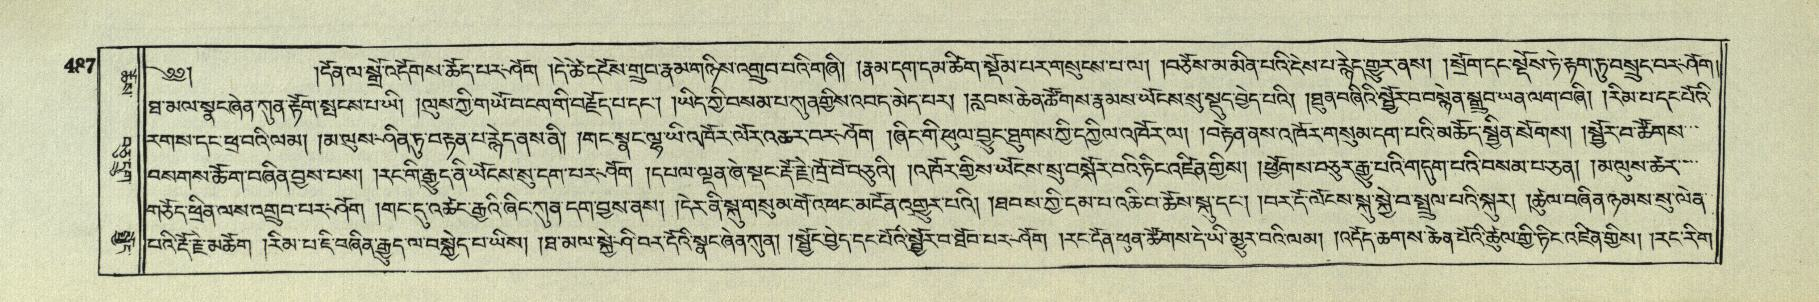༄༅། །དོན་ལ་སྒྲོ་འདོགས་ཆོད་པར་ཤོག །དེ་ཚེ་དངོས་གྲུབ་རྣམ་གཉིས་འགྲུབ་པའི་གཞི། །རྣམ་དག་དམ་ཚིག་སྡོམ་པར་གསུངས་པ་ལ། །བཅོས་མ་མིན་པའི་ངེས་པ་རྙེད་གྱུར་ནས། །སྲོག་དང་སྡོས་ཏེ་རྟག་ཏུ་བསྲུང་བར་ཤོག །
ཐ་མལ་སྣང་ཞེན་ཀུན་རྟོག་སྤངས་པ་ཡི། །ལུས་ཀྱི་གཡོ་བ་ངག་གི་བརྗོད་པ་དང་། །ཡིད་ཀྱི་བསམ་པ་ཀུན་གྱིས་འབད་མེད་པར། །རླབས་ཆེན་ཚོགས་རྣམས་ཡོངས་སུ་སྡུད་བྱེད་པའི། །ཐུན་བཞིའི་སྦྱོར་བ་བསྙེན་སྒྲུབ་ཡན་ལག་བཞི། །རིམ་པ་དང་པོའི་
རགས་དང་ཕྲ་བའི་ལམ། །མ་ལུས་ཤིན་ཏུ་བརྟན་པ་རྙེད་ནས་ནི། །གང་སྣང་ལྷ་ཡི་འཁོར་ལོར་འཆར་བར་ཤོག །ཞིང་གི་ཕུལ་བྱུང་ཐུགས་ཀྱི་དཀྱིལ་འཁོར་ལ། །བརྟེན་ནས་འཁོར་གསུམ་དག་པའི་མཆོད་སྦྱིན་སོགས། །སྦྱོར་བ་ཚོགས་
བསགས་ཆོ་ག་བཞིན་བྱས་པས། །རང་གི་རྒྱུད་ནི་ཡོངས་སུ་དག་པར་ཤོག །དཔལ་ལྡན་ཞེ་སྡང་རྡོ་རྗེ་ཁྲོ་བོ་བཅུའི། །འཁོར་གྱིས་ཡོངས་སུ་བསྐོར་བའི་ཏིང་འཛིན་གྱིས། །ཕྱོགས་བཅུར་རྒྱུ་པའི་གདུག་པའི་བསམ་པ་ཅན། །མ་ལུས་ཚར་
གཅོད་ཕྲིན་ལས་འགྲུབ་པར་ཤོག །གང་དུ་འཚང་རྒྱའི་ཞིང་ཀུན་དག་བྱས་ནས། །དེར་ནི་སྐུ་གསུམ་གོ་འཕང་མངོན་འགྱུར་པའི། །ཐབས་ཀྱི་དམ་པ་འཆི་བ་ཆོས་སྐུ་དང་། །བར་དོ་ལོངས་སྐུ་སྐྱེ་བ་སྤྲུལ་པའི་སྐུར། །ཚུལ་བཞིན་ཉམས་སུ་ལེན་
པའི་རྡོ་རྗེ་མཆོག །རིམ་པ་ཇི་བཞིན་རྒྱུད་ལ་བསྐྱེད་པ་ཡིས། །ཐ་མལ་སྐྱེ་ཤི་བར་དོའི་སྣང་ཞེན་ཀུན། །སྦྱོང་བྱེད་དང་པོའི་སྦྱོར་བ་ཐོབ་པར་ཤོག །རང་དོན་ཕུན་ཚོགས་དེ་ཡི་མྱུར་བའི་ལམ། །འདོད་ཆགས་ཆེན་པོའི་ཚུལ་གྱི་ཏིང་འཛིན་གྱིས། །རང་རིག་